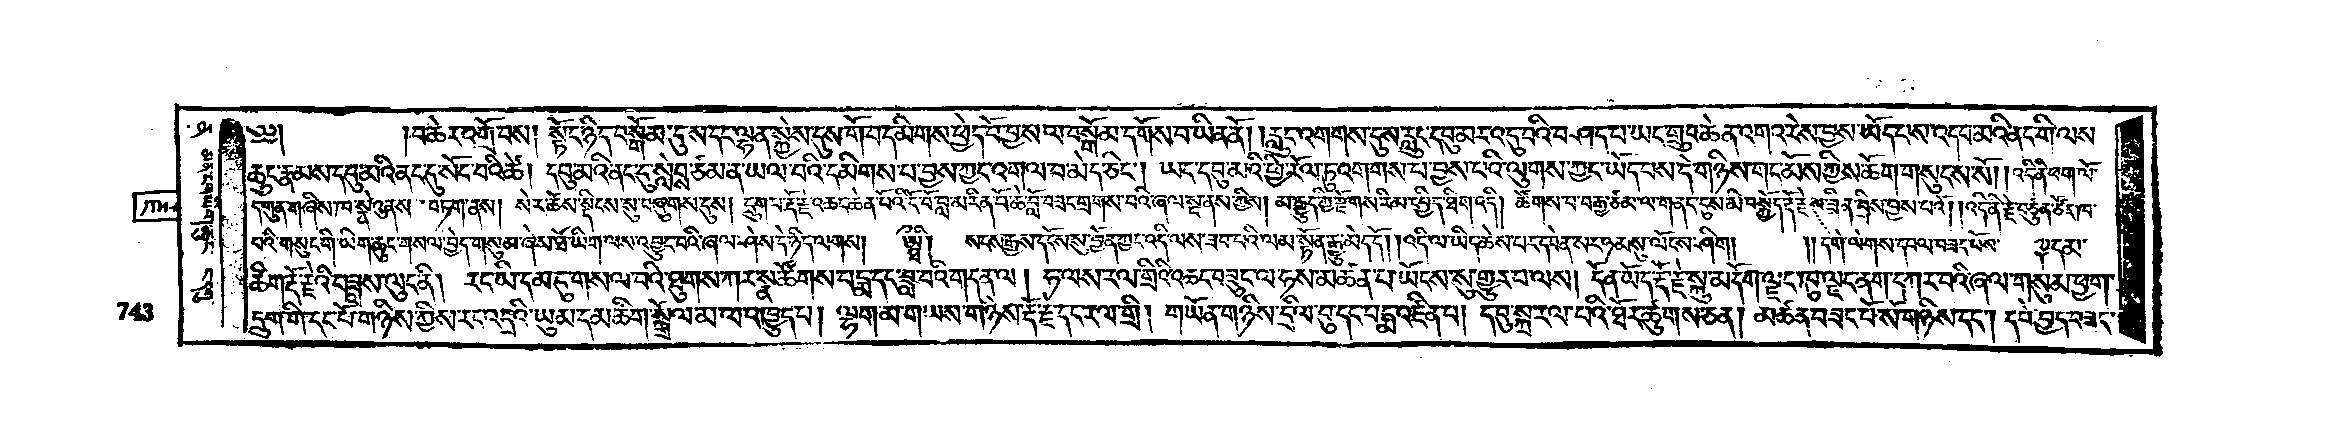༄༅། །བ་ཆེར་འགྲོ་བས། སྟོང་ཉིད་བསྒོམ་དུས་དང་ལྷན་སྐྱེས་དུས་གོ་བ་དམིགས་ཕྱེད་པོ་བྱས་ལ་བསྒོམ་དགོས་པ་ཡིན་ནོ། །རླུང་འགགས་དུས་རླུང་དབུ་མར་འདུ་བའི་བཤད་པ་ཡང་གྲུབ་ཆེན་འགའ་རེས་བྱས་ཡོད་པས་འདབ་མའི་ནང་གི་ལས་
རླུང་རྣམས་དབུ་མའི་ནང་དུ་སོང་བའི་ཚེ། དབུ་མའི་ནང་དུ་སླེབས་ཙམ་ན་ཡལ་བའི་དམིགས་པ་བྱས་ཀྱང་འགལ་བ་མེད་ཅིང་། ཡང་དབུ་མའི་ཕྱི་རོལ་ཏུ་འགགས་པ་བྱས་པའི་ལུགས་ཀྱང་ཡོད་པས་དེ་གཉིས་གང་མོས་ཀྱིས་ཆོག་གསུངས་སོ། འདི་ནི་ཕག་ལོ་
དགུན་གཞིས་ཁ་སྣེའུ་ནས་བཏག་ནས། སེ་ར་ཆོས་སྡིངས་སུ་བཞུགས་དུས། དྲུག་པ་རྡོ་རྗེ་འཆང་ཆེན་པོའི་ངོ་བོ་བླ་མ་རིན་པོ་ཆེ་བློ་བཟང་གྲགས་པའི་ཞལ་སྔ་ནས་ཀྱིས། མ་རྒྱུད་ཀྱི་རྫོགས་རིམ་དཔྱིད་ཐིག་འདི། ཚོགས་པ་བརྒྱ་ཙམ་ལ་གནང་དུས་མི་བསྐྱོད་རྡོ་རྗེ་མ་ཟིན་བྲིས་བྱས་པའོ། །འདི་ནི་རྗེ་བཙུན་ཙོང་ཁ་
པའི་གསུང་གི་ཡིག་ཆུང་གསལ་བྱེད་གསུམ་ཞེས་ཐོ་ཡིག་ལས་འབྱུང་བའི་ཞལ་ཤེས་དེ་ཉིད་ལགས། ཨཐིཨི། སངས་རྒྱས་དངོས་སུ་བྱོན་ཀྱང་འདི་ལས་ཟབ་པའི་ལམ་སྟོན་རྒྱུ་མེད་དོ། །འདི་ལ་ཡིད་ཆེས་པར་དབེན་སར་ཉམས་སུ་ལོངས་ཤིག ། །།དགེ་ལེགས་དཔལ་བཟང་པོས། ༈ དམ་
ཚིག་རྡོ་རྗེའི་བཟླས་ལུང་ནི། རང་ཡི་དམ་དུ་གསལ་བའི་ཐུགས་ཀར་སྣ་ཚོགས་པདམ་དང་ཟླ་བའི་གདན་ལ། ཧ་ལས་རལ་གྲིའི་འཆང་བཟུང་ལ་ཧས་མཚན་པ་ཡོངས་སུ་གྱུར་པ་ལས། དོན་ཡོད་རྡོ་རྗེ་སྐུ་མདོག་ལྗང་ཁུ་ལྗང་ནག་དཀར་བའི་ཞལ་གསུམ་ཕྱག་
དྲུག་གི་དང་པོ་གཉིས་ཀྱིས་རང་འདྲའི་ཡུམ་དམ་ཚིག་སྒྲོལ་མ་ལ་འཁྱུད་པ། ལྷག་མ་གཡས་གཉིས་རྡོ་རྗེ་དང་རལ་གྲི། གཡོན་གཉིས་དྲིལ་བུ་དང་པདམ་འཛིན་པ། དབུ་སྐྲ་རལ་བའི་ཐོར་ཚུགས་ཅན། མཚན་བཟང་པོ་སོ་གཉིས་དང་། དཔེ་བྱད་བཟང་